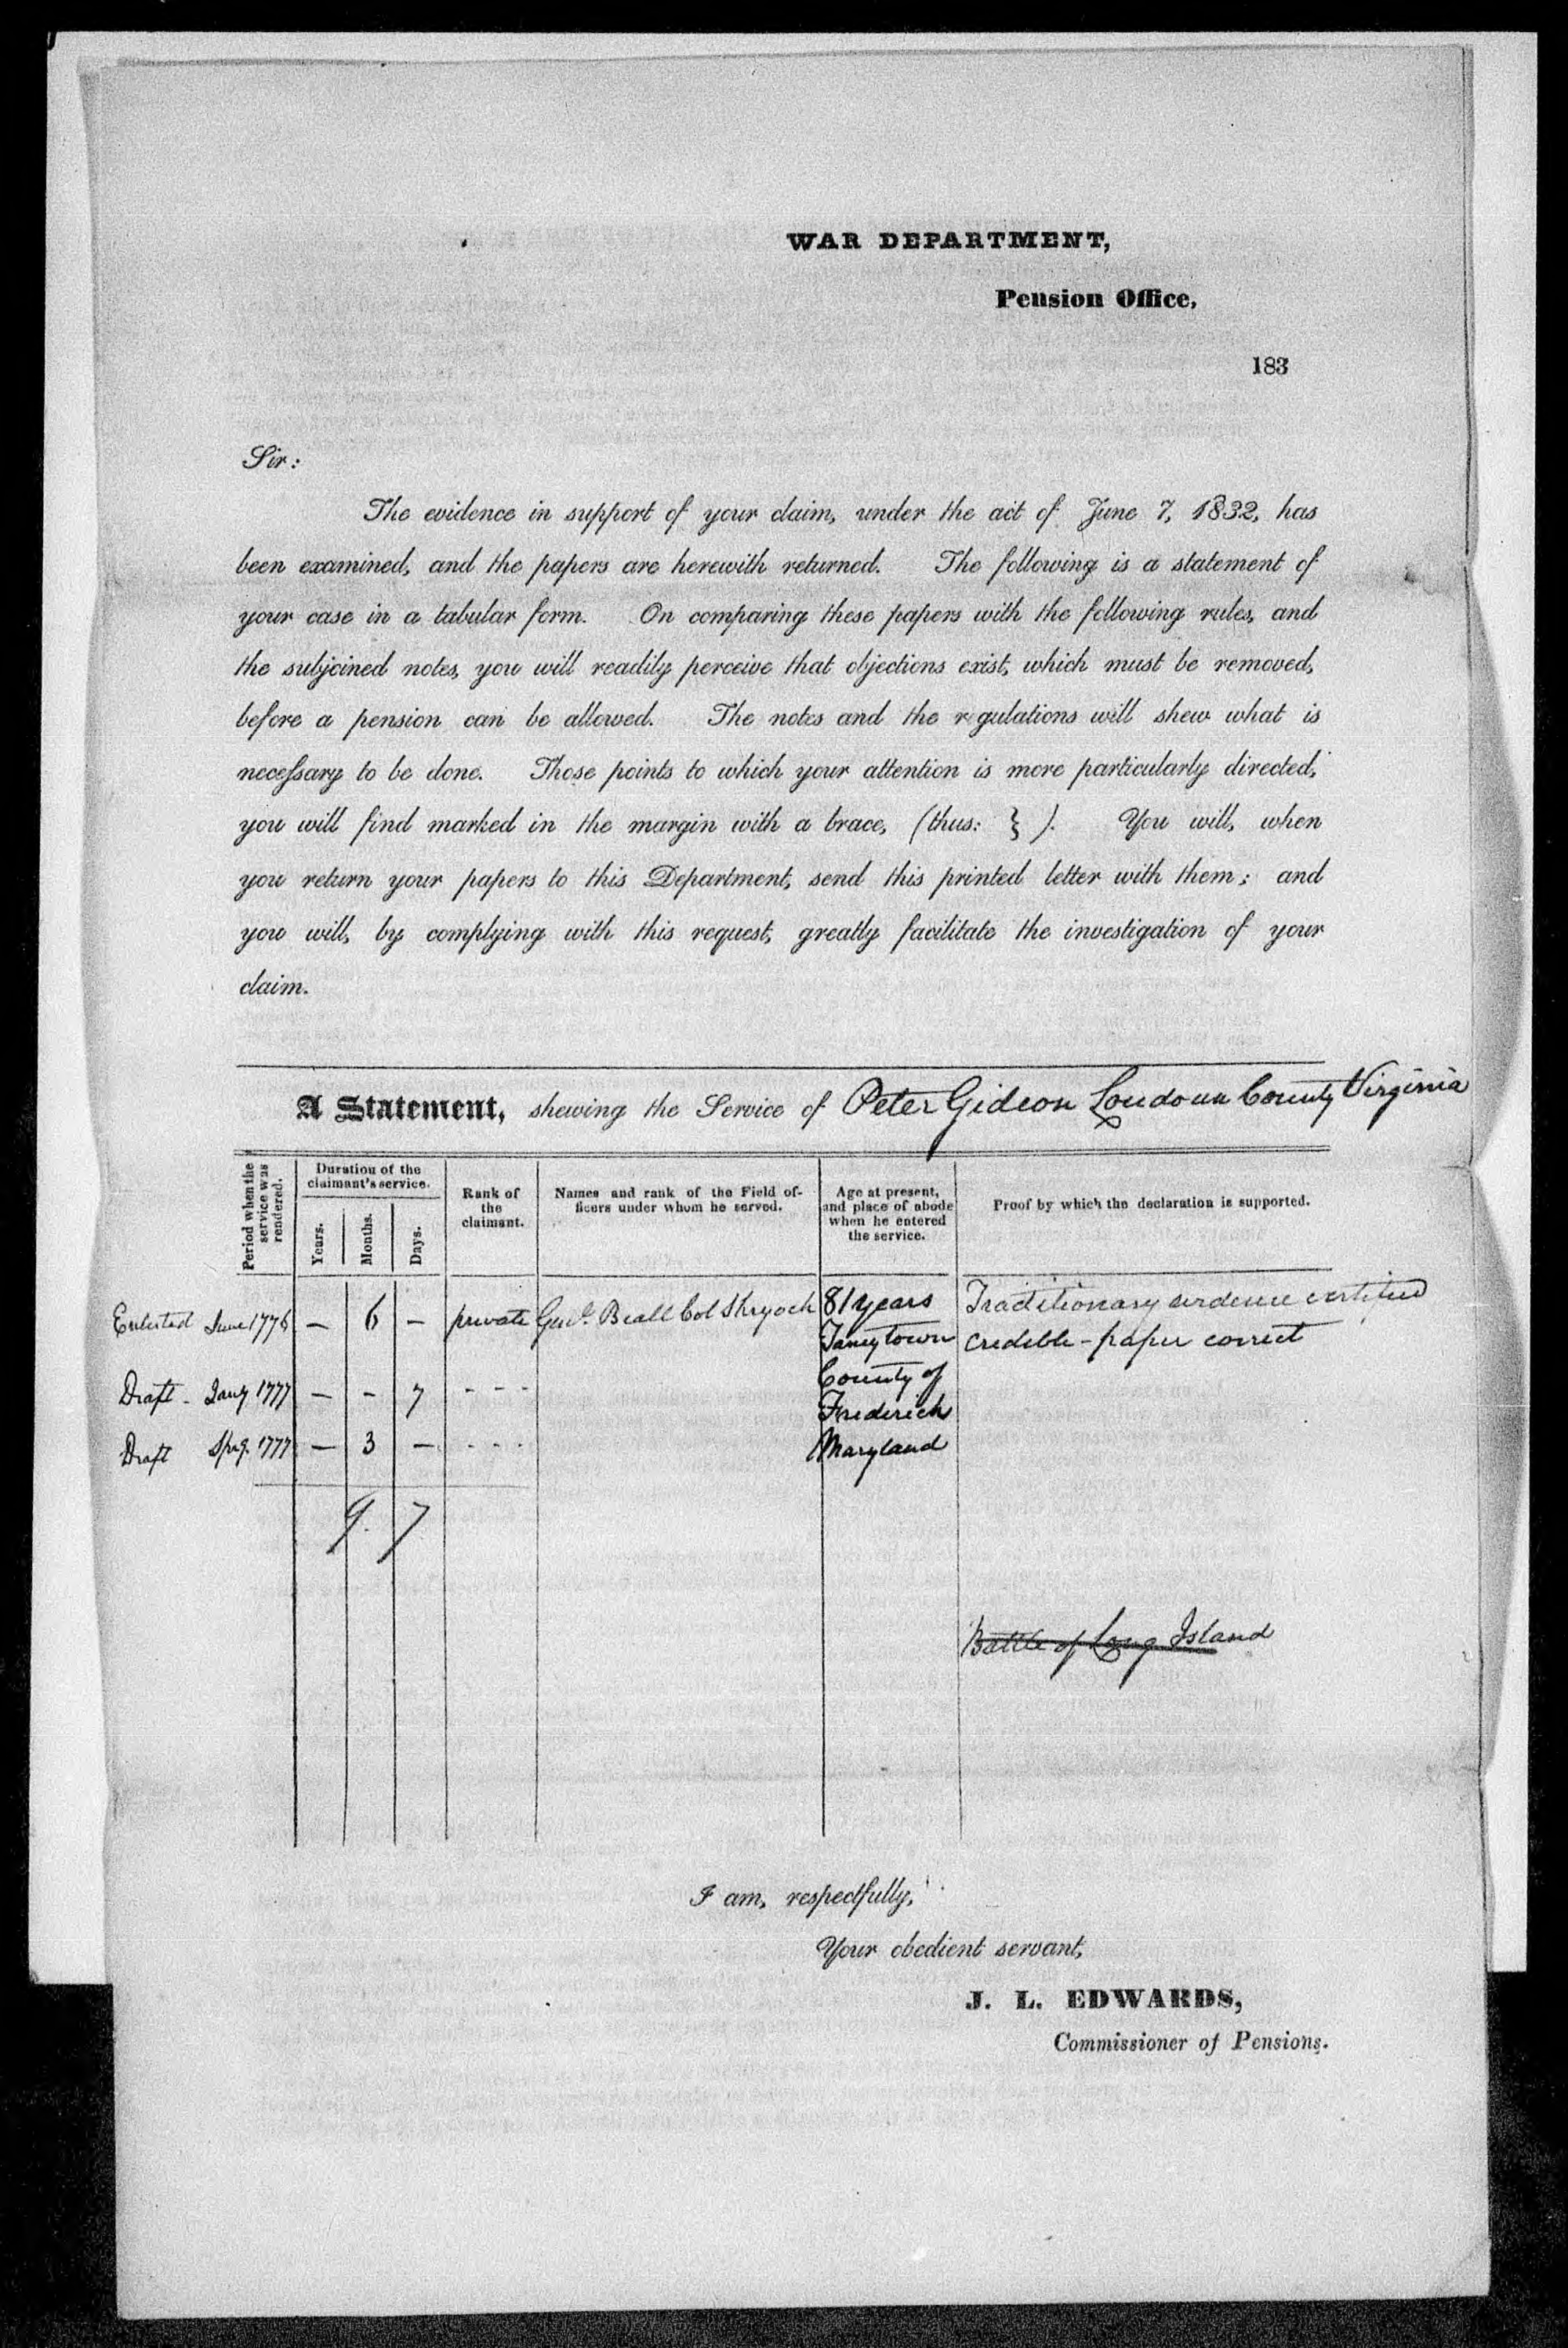WAR DEPARTMENT,
Pension Office, 
183[blank]

Sir:

The evidence in support of your claim, under the act of June 7, 1832, has
been examined, and the papers are herewith returned.  The following is a statement of
your case in a tabular form.  On comparing these papers with the following rules, and
the subjoined notes, you will readily perceive that objections exist, which must be removed,
before a pension can be allowed.  The notes and the regulations will show what is
necessary to be done.  Those points to which your attention is more particularly directed,
you will find marked in the margin with a brace, (thus: } ).  You will, when
you return your papers to this Department, send this printed letter with them; and
you will, by complying with this request, greatly facilitate the investigation of your claim.
_________________________________________________________________
A Statement, showing the Service of Peter Gideon Loudoun County Virginia
========================================================
Period when the |
service was |
rendered. |
______________ |
Enlisted June 1776 |
Draft - Jany 1777 |
Draft Sprg. 1777 |

Duration of the |
claimant's service. |
_________________ |
Years. |
______ |
- |
- |
- |
Months. |
________ |
6 |
- |
3 |
_______
9.
Days. |
______ |
- |
7 |
- |
______
7
Rank of |
the |
claimant. |
_________ |
private |
- - - |
- - - |
Names and rank of the Field of |
ficers under whom he served. |
___________________________ |
Genl. Beall Col. Shryock |
Age at present, |
and place of abode |
when he entered |
the service. |
_____________|
81 years |
Taneytown |
County of |
Frederick |
Maryland |
Proof by which the declaration is supported.
______________________________________
Traditionary evidence certififed
credible - paper correct


[Struck out: Battle of Long Island]

I am, respectfully,
Your obedient servant,
J. L. EDWARDS,
Commissioner of Pensions.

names: Peter Gideon, J L Edwards, Beall, Shryock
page: 10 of 64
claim: survivor's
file: S. 6887, Peter Gideon, Md.